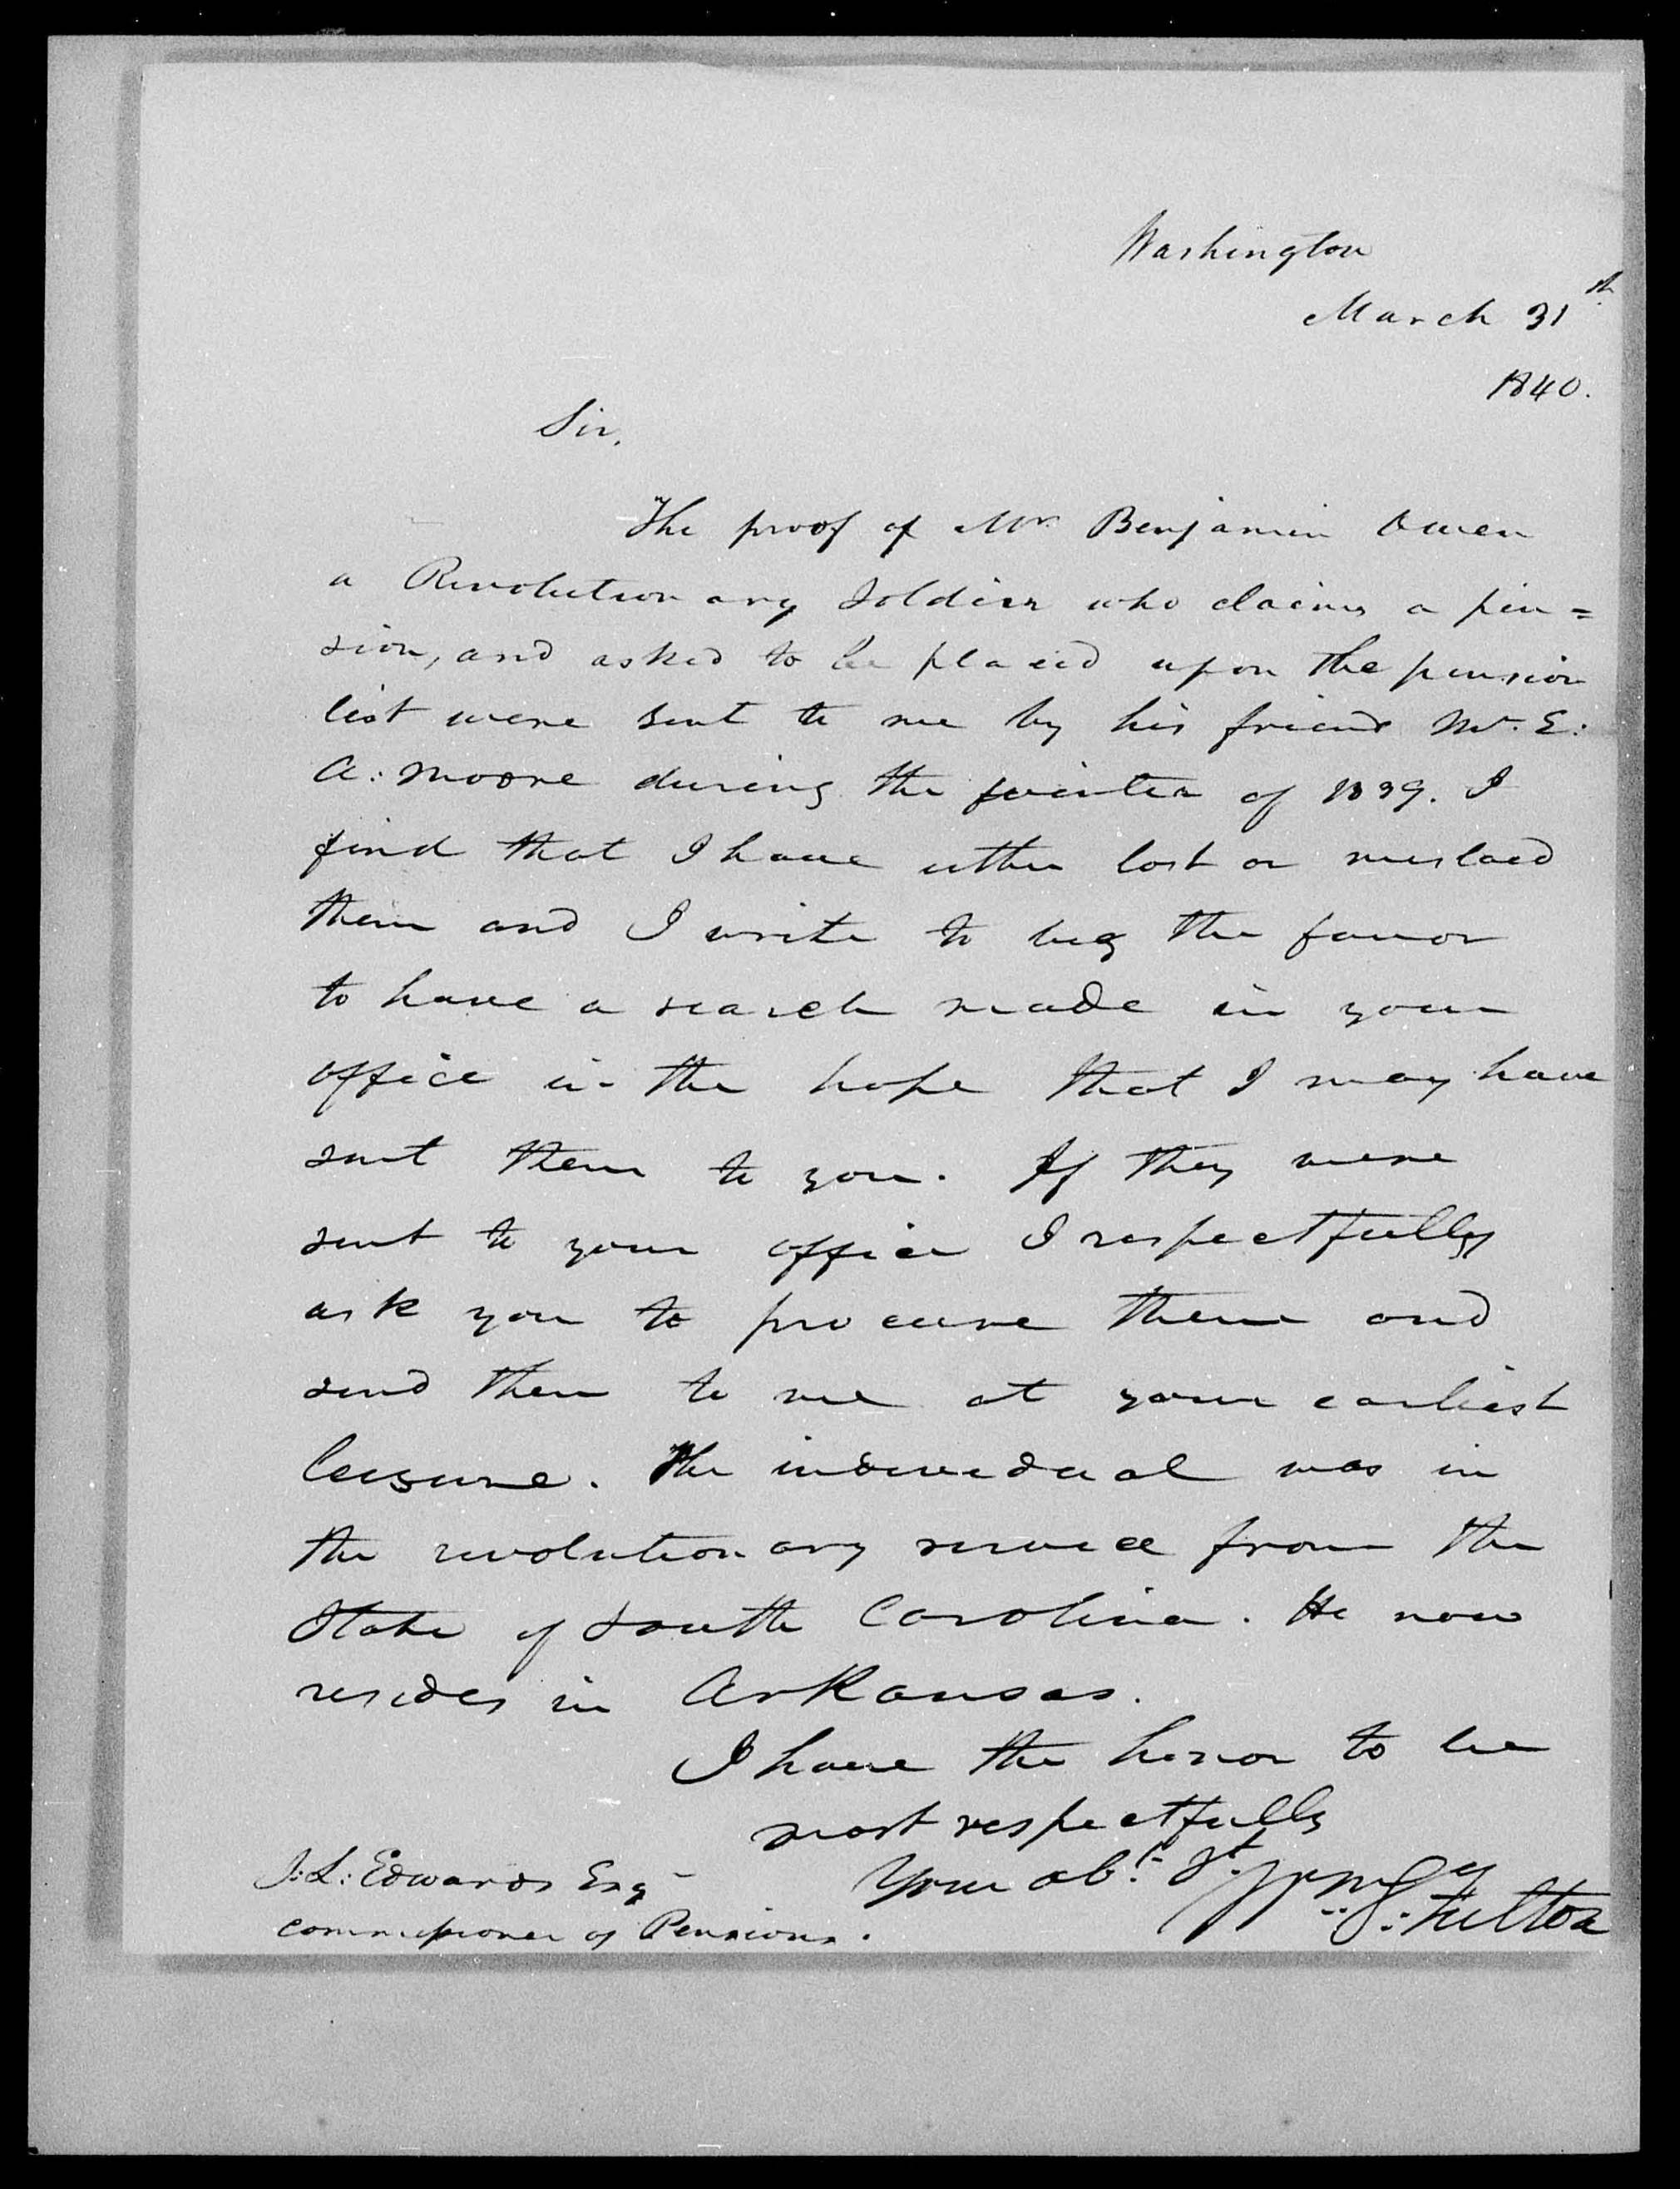Washington
March 31st
1840.
Sir,
The proof of Mr Benjamin Owen a Revolutionary soldier who claims a pension, and asked to be placed upon the pension list were sent to me by his friend Mr. E. A. Moore during the winter of 1839. I find that I have either lost or mislaid them and I write to beg the favor to have a search made in your office in the hope that I may have sent them to you.
If they were sent to your office I respectfully ask you to procure them and send them to me at your earliest leisure. The individual was in the revolutionary service from the State of South Carolina. He now resides in Arkansas.
I have the honor to be
most respectfully
Your obt. St. 
Wm. S. Fulton
J.L. Edwards Esq
Commissioner of Pensions.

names: E A Moore; Benjamin Owen; J L Edwards; Wm S Fulton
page: 28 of 28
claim: rejected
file: R. 7846, for Benjamin Owens, South Carolina